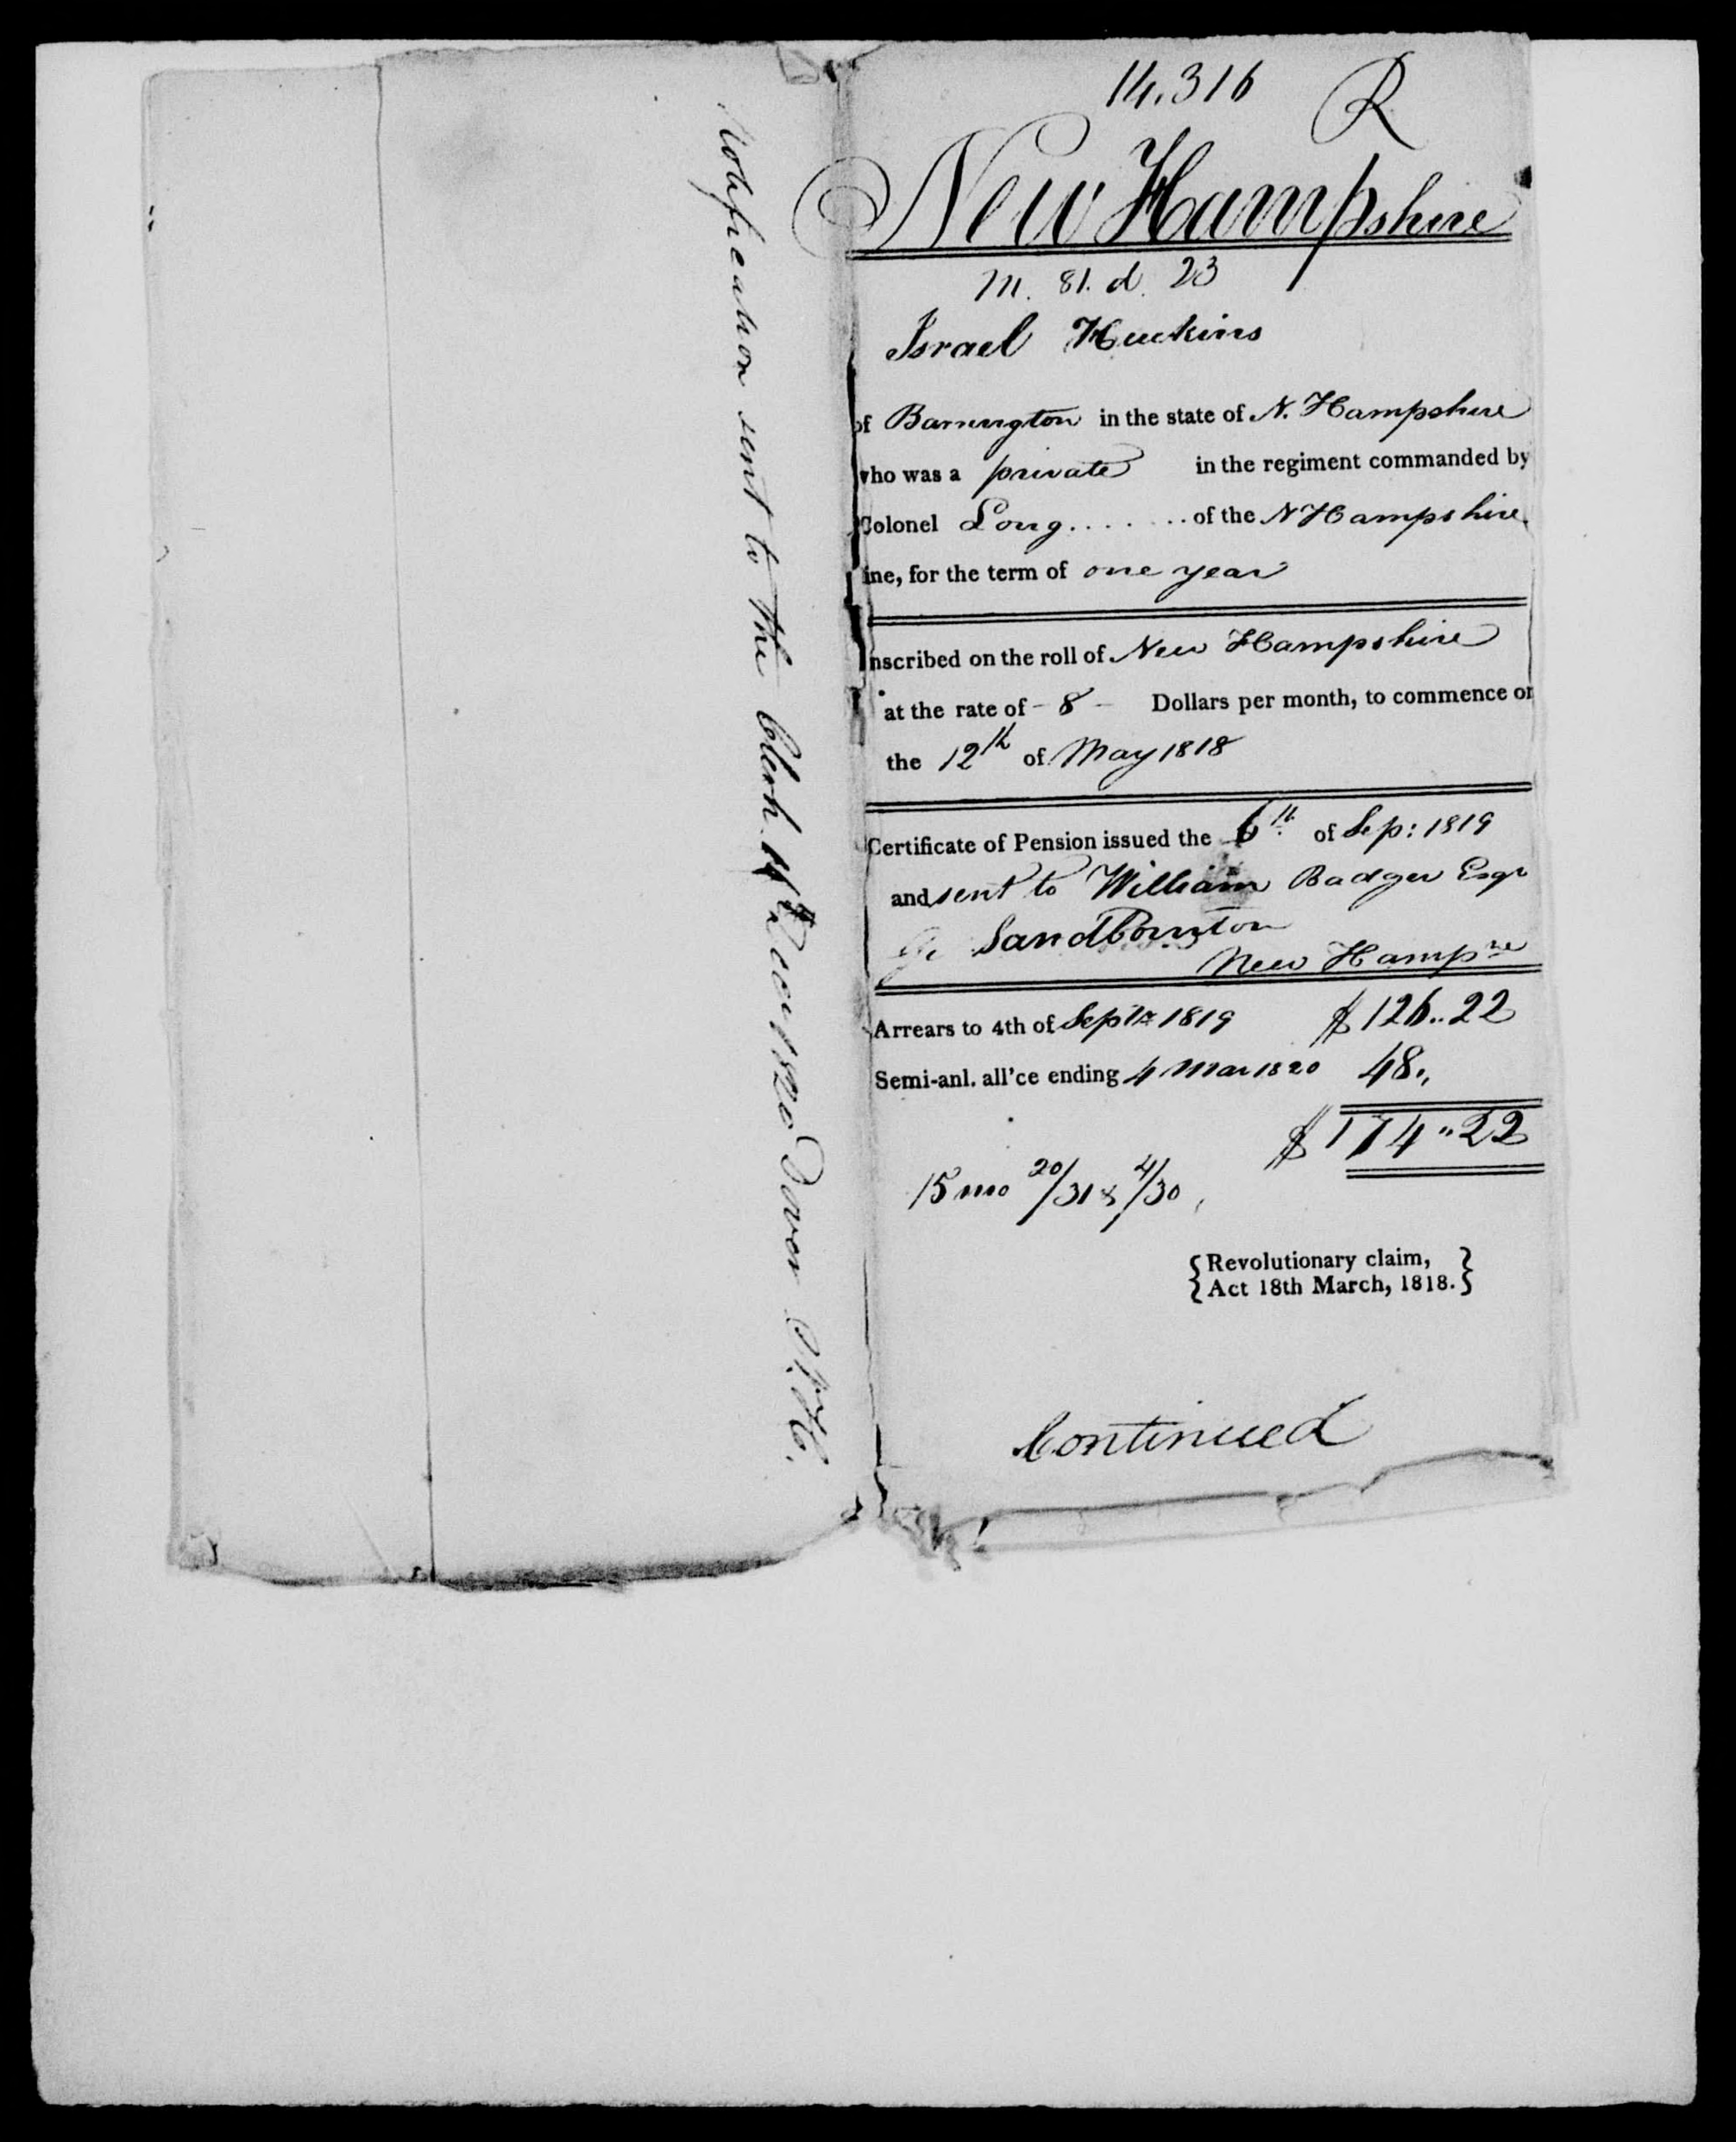14.316 R
New Hampshire
M. 81.d. 23
Israel Huckins

of Barrington in the state of N. Hampshire
who was a private in the regiment commanded by 
Colonel Long ....... of the N Hampshire
ine [illegible] , for the term of one year
Inscribed on the roll of New Hampshire
at the rate of -8- Dollars per month, to commence on the 
12th of May 1818
Certificate of Pension issued the 6th of Sep: 1819
and sent to William Badger Esqr
SandBornton
New Hampre
Arrears to 4th of Sept 1819 $126..22
Semi-anl. all'ce ending 4 Mar 1820 48.
$174..22
15mo 20/318 4/30
{Revolutionary claim,}
{Act 18th March, 1818.}

[sentence written sideways down the paper]
[lllegible first word] sent to the Clerk. [illegible] Dec 1820 Dover N.H.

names: Long, Israel Huckins, William Badger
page: 2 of 35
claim: widow's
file: W. 16127, Israel Huckins, N.H.